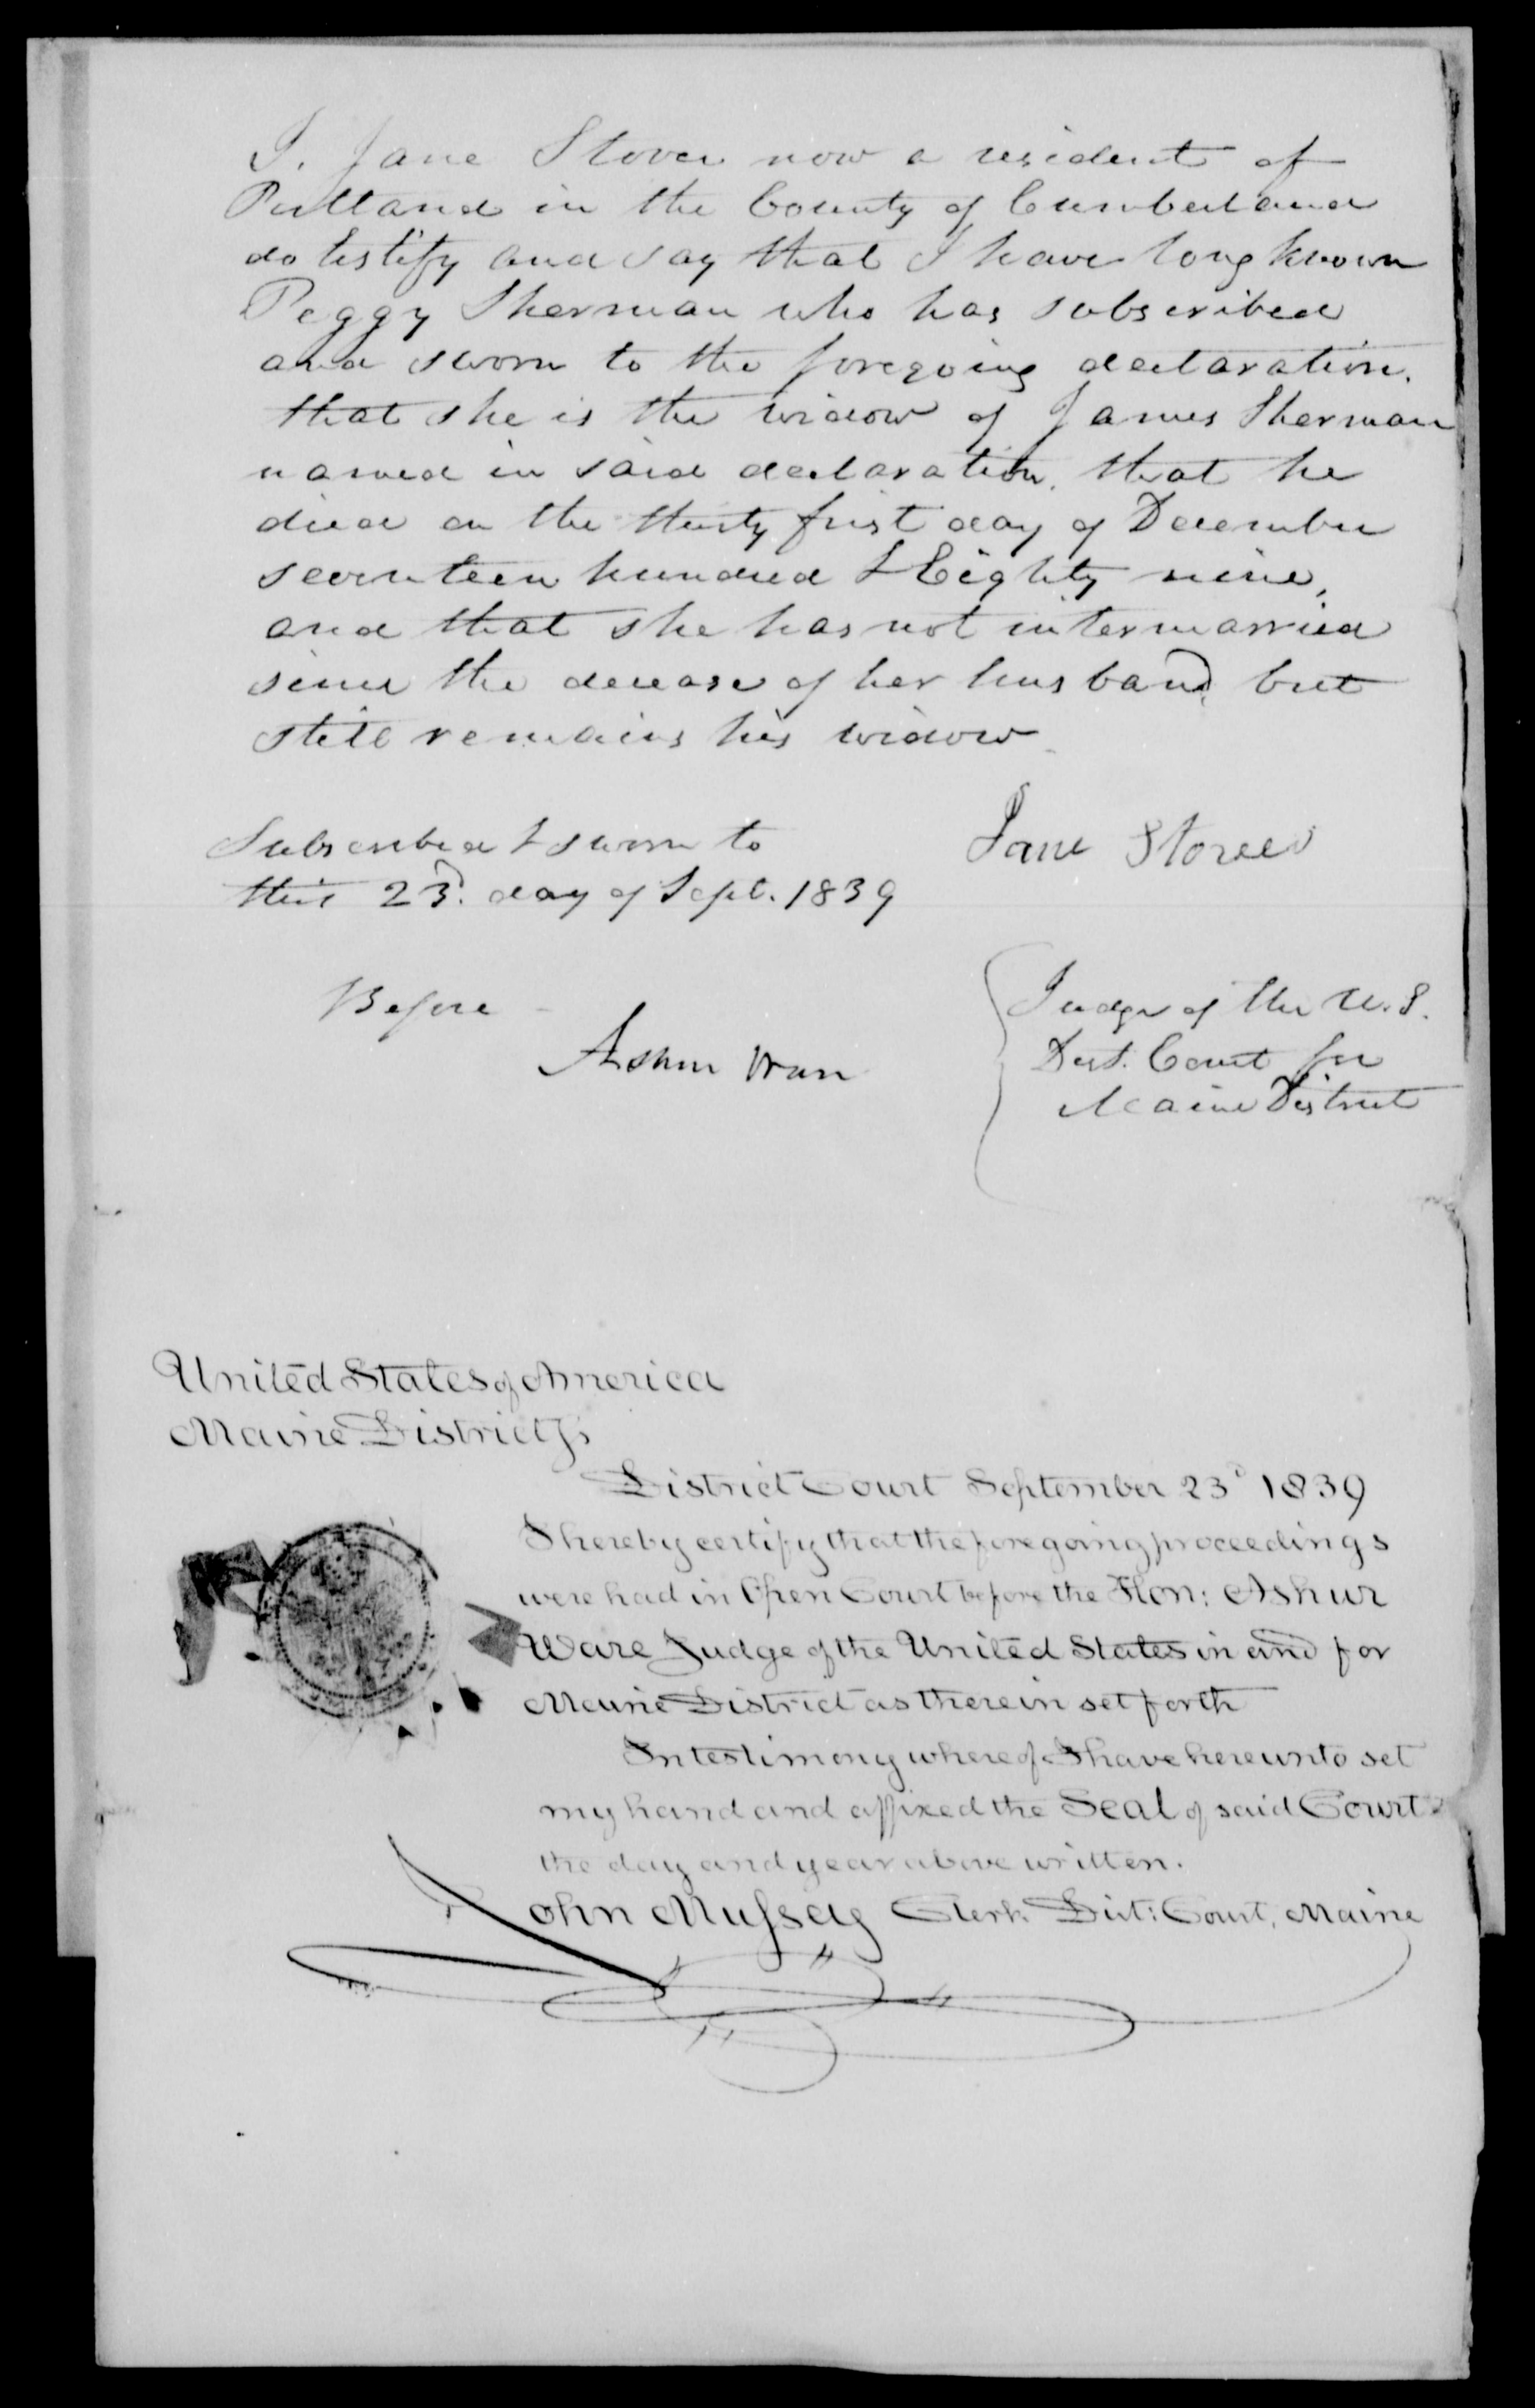[doc is written; a seal appears in the lower left corner]

I, Jane Stover now a resident of
Portland in the County of Cumberland
do testify and say that I have long known
Peggy Sherman who has subscribed
and sworn to the foregoing declaration
that she is the widow of James Sherman
named in said declaration that he
died on the thirty first day of December
seventeen hundred & Eight nine
and that she has not intermarried
since the decease of her husband but
still remains his widow.
Subscribed & sworn to         Jane Stover
this 23d day of Sept. 1839
Before
Ashur Ware   {Judge of the U.S.
{Dist Court for
{Maine District

United States of America
Maine District
District Court September 23d 1839
I hereby certify that the foregoing proceedings
were had in Open Court before the Hon. Ashur
Ware Judge of the United States in and for
Maine District as therein set forth
In testimony whereof I have hereunto set
my hand and affixed the Seal of said Court
the day and year above written.
John Mussey Clerk Dist Court, Maine [name & title underlined]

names: Ashur Ware; Jane Stover; Ashur Ware; Jane Stover; Peggy Sherman; James Sherman; John Mussey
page: 14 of 20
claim: widow's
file: W. 22,200, for James Sherman, Massachusetts